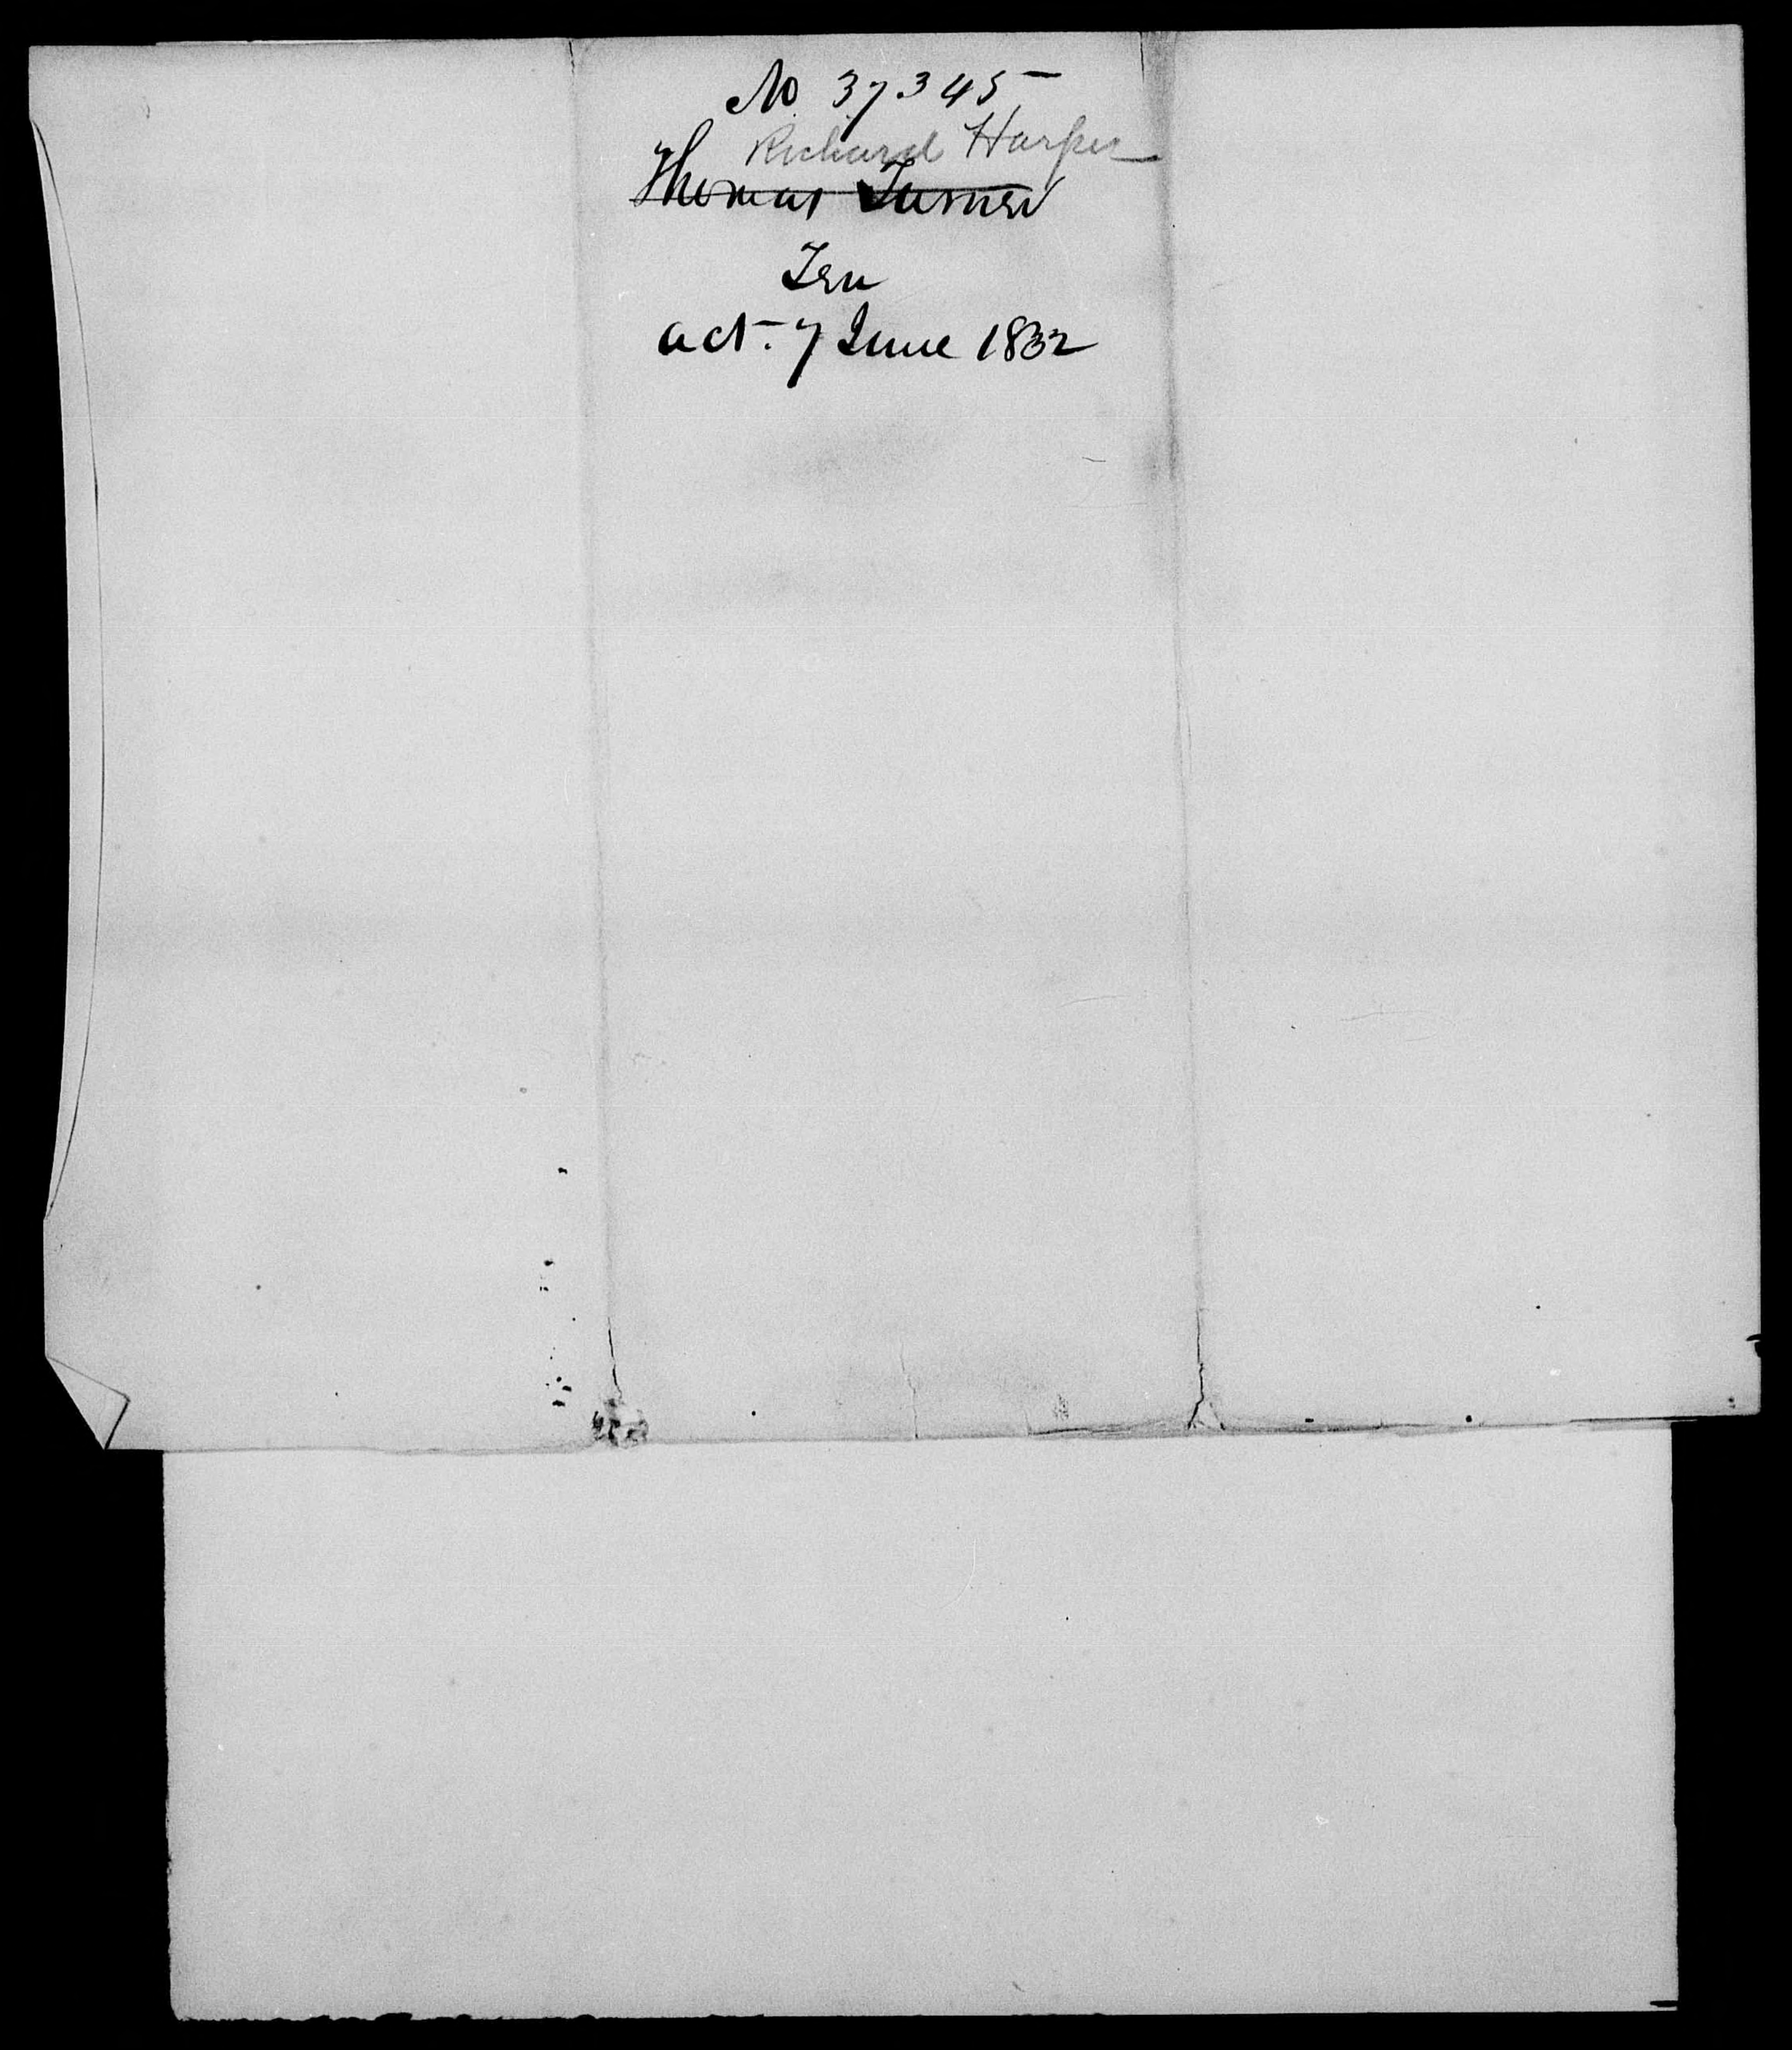No 37345  ---
Richard Harper
[Thomas Turner - CROSSED OUT]
Frm
act. 7 June 1832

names: Richard Harper, Thomas Turner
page: 19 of 81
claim: survivor's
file: S. 1908, Richard Harper, N.C.